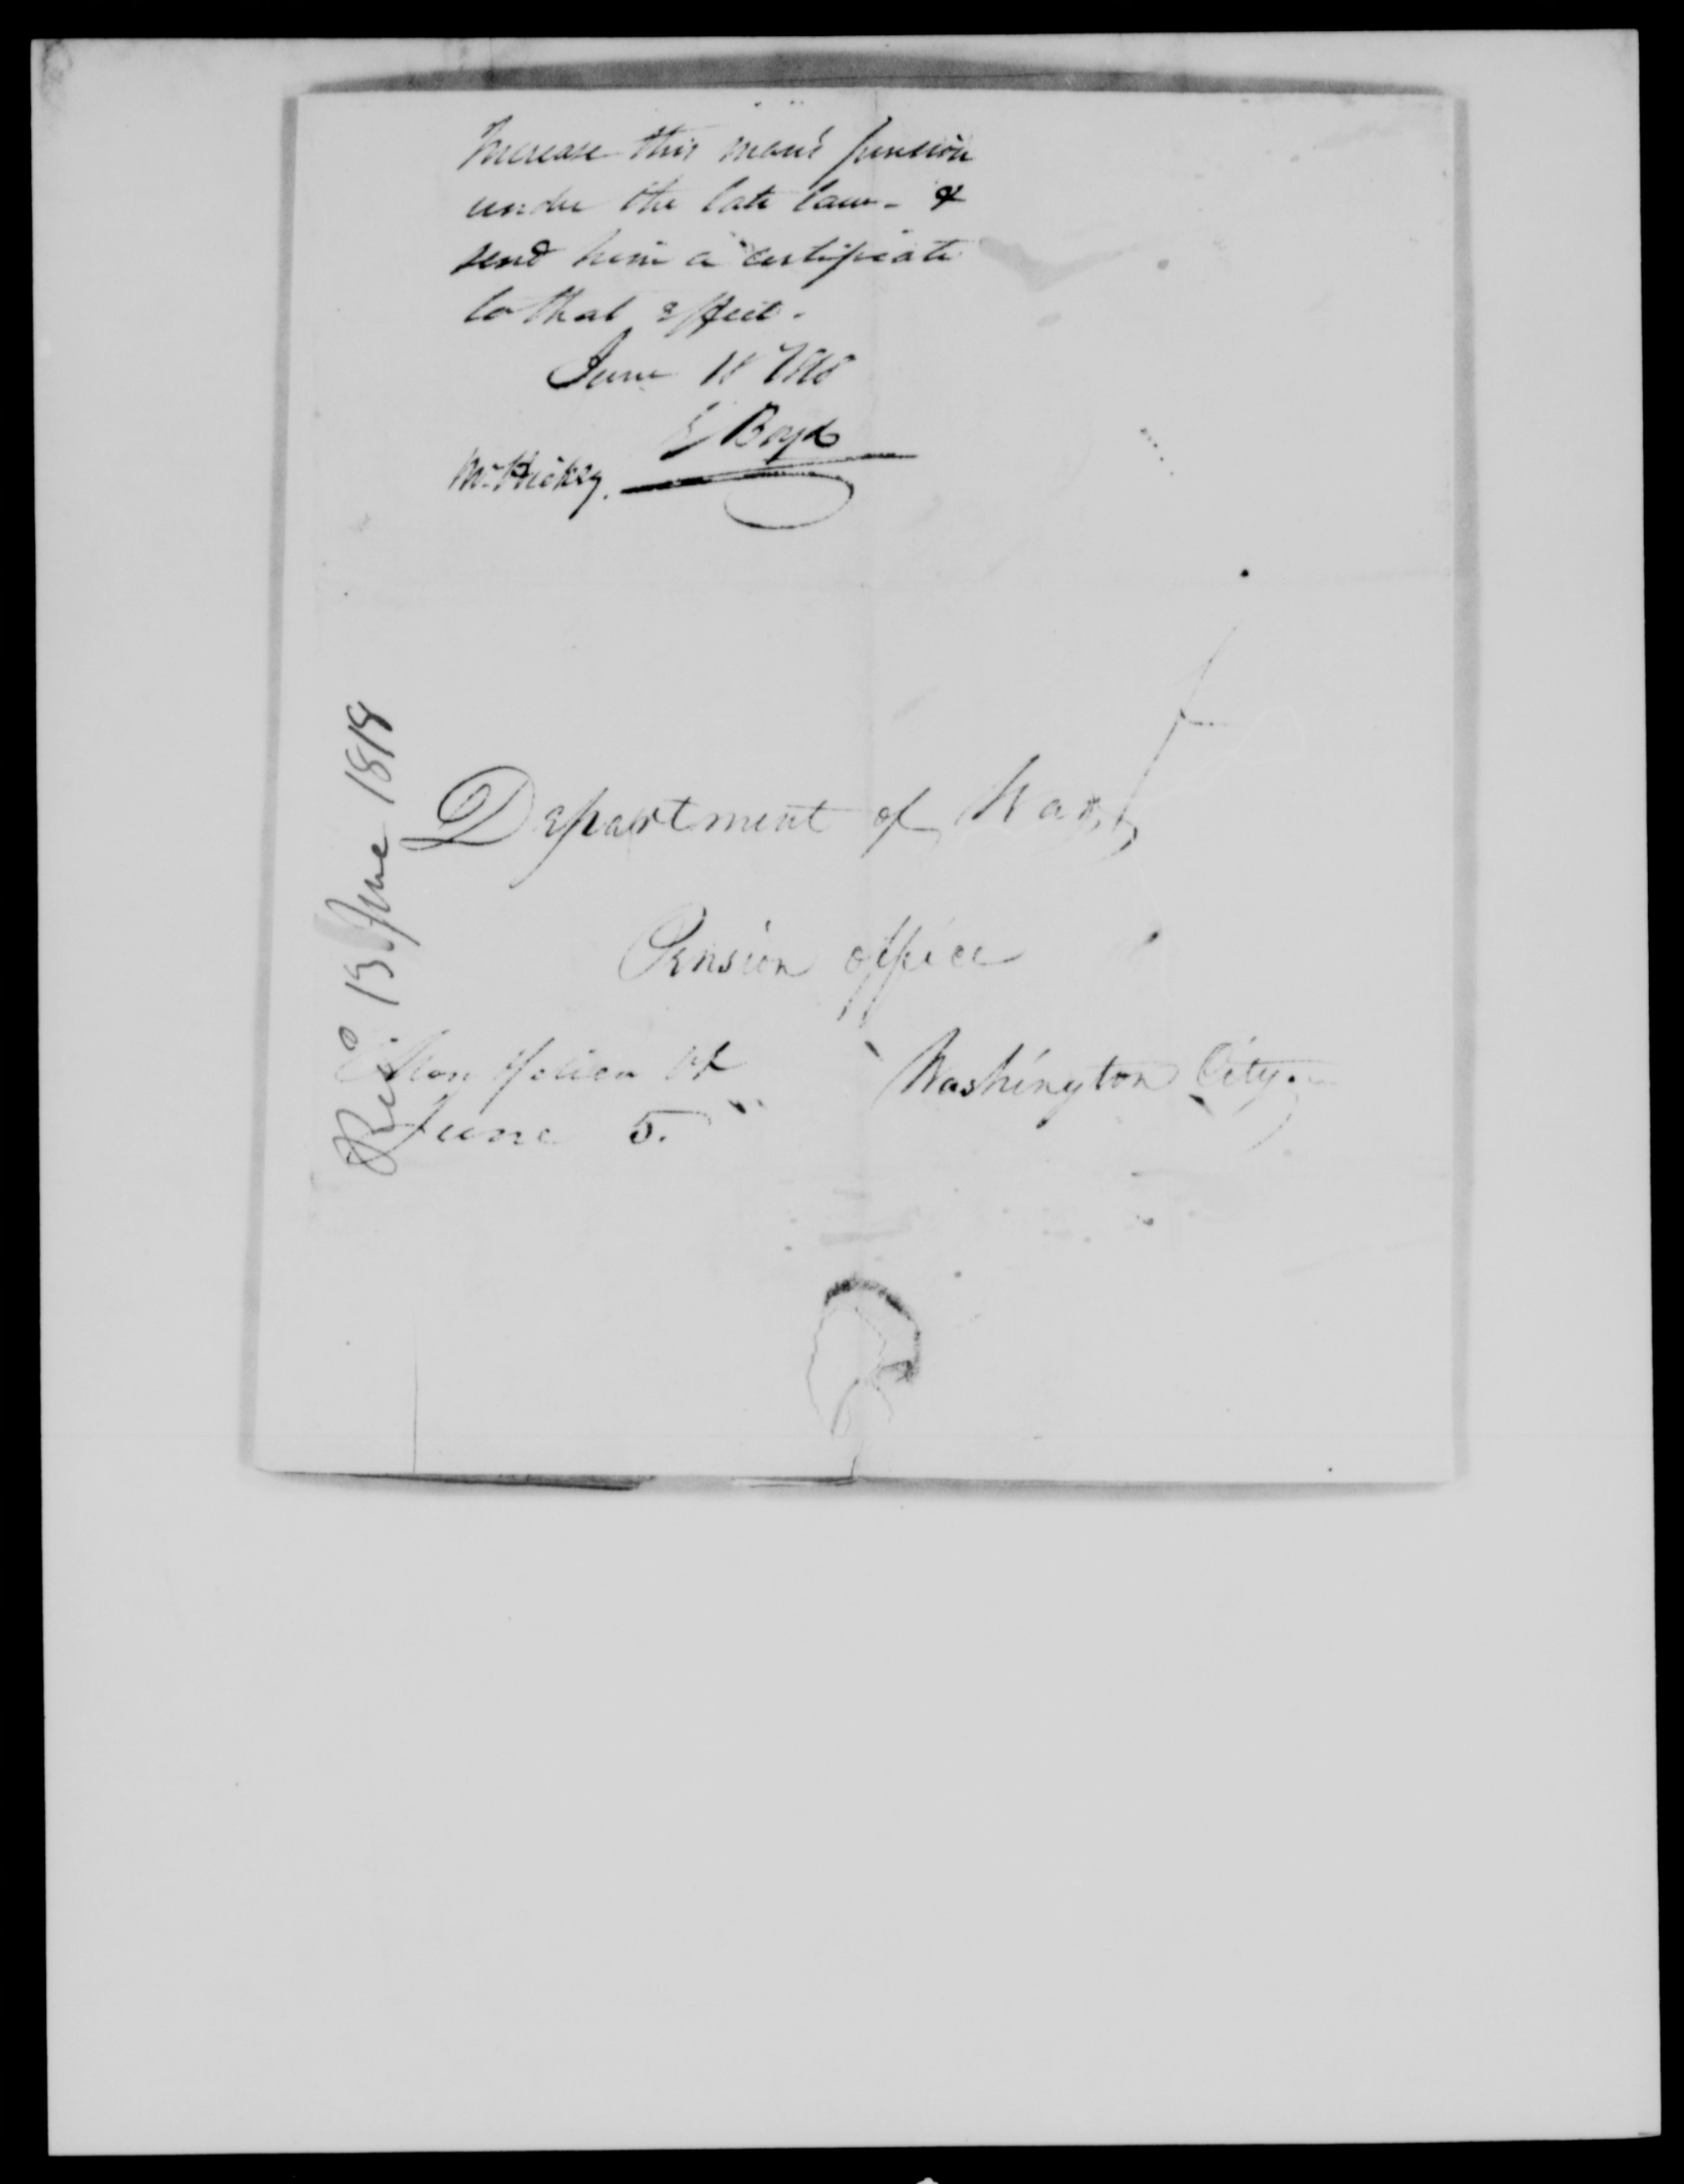Increase this man's pension under the late law & send him a certificate to that effect.
June 18 1818
D Boyd

Mr. Hickey

Department of War
Pension office Washington City

Montpelier Vt.
June 5th

Rec'd 13 June 1819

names: Brickly, D Boyd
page: 76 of 79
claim: survivor's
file: S. 11759, Samuel White, Mass.